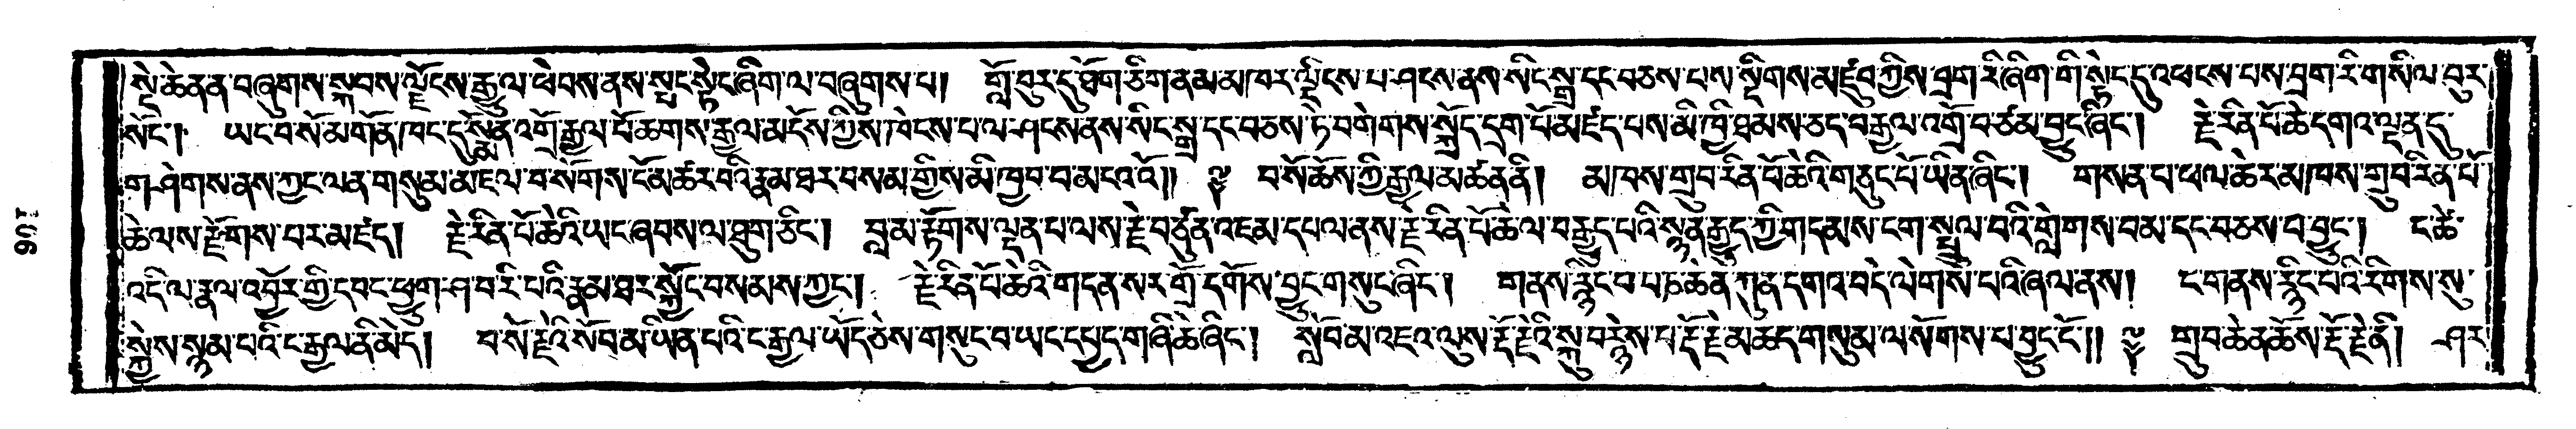སྡེ་ཆེན་ན་བཞུགས་སྐབས་ལྗོངས་རྒྱུ་ལ་ཕེབས་ནས་སྤང་སྟེང་ཞིག་ལ་བཞུགས་པ། གློ་བུར་དུ་ཐོག་ཅིག་ནམ་མཁར་ལྡིངས་པ་ཤངས་ནས་སིང་སྒྲ་དང་བཅས་པས་སྡིགས་མཛུབ་ཀྱིས་བྲག་རི་ཞིག་གི་སྟེང་དུ་འཕངས་པས་བྲག་རི་གསིལ་བུར་
སོང༑ ཡང་བ་སོ་མགོན་ཁང་དུ་སྨོན་འགྲོ་རྒྱལ་པོ་ཆགས་རྒྱལ་མདོས་ཀྱིས་ཁེངས་པ་ལ་ཤངས་ནས་སིང་སྒྲ་དང་བཅས་ཏེ་བགེགས་སྐྲོད་དྲག་པོ་མཛད་པས་མི་ཁྱི་ཐམས་ཅད་བརྒྱལ་འགྲོ་བ་ཙམ་བྱུང་ཞིང་། རྗེ་རིན་པོ་ཆེ་དགའ་ལྡན་དུ་
གཤེགས་ནས་ཀྱང་ལན་གསུམ་མཇལ་བ་སོགས་ངོ་མཚར་བའི་རྣམ་ཐར་བསམ་གྱིས་མི་ཁྱབ་བ་མངའ་འོ།། ༈ བ་སོ་ཆོས་ཀྱི་རྒྱལ་མཚན་ནི། མཁས་གྲུབ་རིན་པོ་ཆེའི་གཅུང་པོ་ཡིན་ཞིང་། གསན་པ་ཕལ་ཆེར་མཁས་གྲུབ་རིན་པོ་
ཆེ་ལས་རྫོགས་པར་མཛད། རྗེ་རིན་པོ་ཆེའི་ཡང་ཞབས་ལ་ཐུག་ཅིང་། བླ་མ་རྟོགས་ལྡན་པ་ལས་རྗེ་བཙུན་འཇམ་དཔལ་ནས་རྗེ་རིན་པོ་ཆེ་ལ་བརྒྱུད་པའི་སྙན་རྒྱུད་ཀྱི་གདམས་ངག་སྤྲུལ་པའི་གླེགས་བམ་དང་བཅས་པ་བྱུང་། ང་ཚེ་
འདི་ལ་རྣལ་འབྱོར་གྱི་དབང་ཕྱུག་ཤ་བ་རི་པའི་རྣམ་ཐར་སྐྱོང་བསམས་ཀྱང་། རྗེ་རིན་པོ་ཆེའི་གདན་སར་གྲོ་དགོས་བྱུང་གསུང་ཞིང་། གནས་རྙིང་པ་པཎ་ཆེན་ཀུན་དགའ་བདེ་ལེགས་པའི་ཞལ་ནས། ང་གནས་རྙིང་པའི་རིགས་སུ་
སྐྱེས་སྙམ་པའི་ང་རྒྱལ་ནི་མེད། བ་སོ་རྗེའི་སོབ་མ་ཡིན་པའི་ང་རྒྱལ་ཡོད་ཅེས་གསུང་པ་ཡང་དཔྱད་གཞི་ཆེ་ཞིང་། སློབ་མ་འཇའ་ལུས་རྡོ་རྗེའི་སྐུ་བརྙེས་པ་རྡོ་རྗེ་མཆད་གསུམ་ལ་སོགས་པ་བྱུང་ངོ།། ༈ གྲུབ་ཆེན་ཆོས་རྡོ་རྗེ་ནི། ཤར་